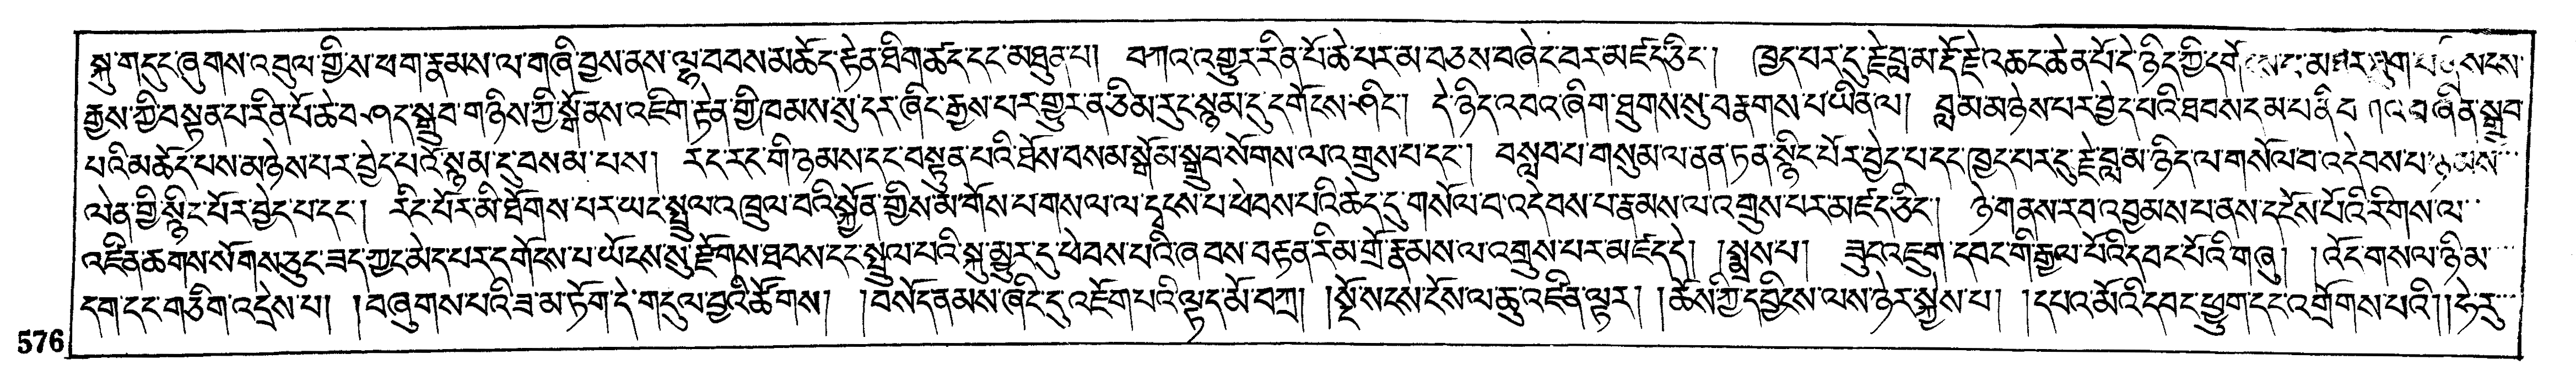སྐུ་གདུང་ཞུགས་འབུལ་གྱིས་ཕག་རྣམས་ལ་གཟི་བྱས་ནས་ལྷ་བབས་མཆོད་རྟེན་ཐིག་ཚད་དང་མཐུན་པ། བཀའ་འགྱུར་རིན་པོ་ཆེ་པར་མ་བཅས་བཞེད་བར་མཛད་ཅིང་། ཁྱད་པར་དུ་རྗེ་བླ་ཨམ་རྡོ་རྗེ་འཆང་ཆེན་པོ་དེ་ཉིད་ཀྱི་དགོངས་བ་མཐར་ཐུག་པ་ནི་སངས་
རྒྱས་ཀྱི་བསྟན་པ་རིན་པོ་ཆེ་བཤད་སྒྲུབ་གཉིས་ཀྱི་སྒོ་ནས་འཇིགས་རྟེན་གྱི་ཁམས་སུ་དར་ཞིང་རྒྱས་པར་གྱུར་ན་ཅི་མ་རུང་སྙམ་དུ་དགོངས་ཤིང་། དེ་ཉིད་འབའ་ཟིག་ཐུགས་སུ་བརྣགས་པ་ཡིན་ལ། བླ་མ་མཉེས་པར་བྱེད་པའི་ཐབས་དམ་པ་ནི་བཀའ་བཞིན་སྒྲུབ་
པའི་མཆོད་པས་མཉེས་པར་བྱེད་པའི་སྙམ་དུ་བསམ་པས། རང་རང་གི་ཉས་དང་བསྟུན་པའི་ཐོས་བསམ་སྒོམ་སྒྲུབ་སོགས་ལ་འགྲུས་པ་དང་། བསླབ་པ་གསུམ་ལ་ནན་ཏན་སྙིང་པོར་བྱེད་པ་དང་ཁྱད་པར་དུ་རྗེ་བླ་མ་ཉིད་ལ་གསོལ་བ་འདེབས་པ་ཉམས་
ལེན་གྱི་སྙིང་པོར་བྱེད་པ་དང་། རིང་པོར་མི་ཐོགས་པར་ཡང་སྤྲུལ་འཁྲུལ་པའི་སྐྱོན་གྱིས་མ་གོས་པ་གསལ་ལ་དྭངས་པ་ཕེབས་པའི་ཆེད་དུ་གསོལ་བ་འདེབས་པ་རྣམས་ལ་འགྲུས་པར་མཛད་ཅིང་། ཉེ་གནས་རབ་འབྱམས་པ་ནས་ངོས་པོའི་རིགས་ལ་
འཇིག་ཆགས་སོགས་ཅུང་ཟད་ཀྱང་མེད་པར་དགོངས་པ་ཡོངས་སུ་རྫོགས་ཐབས་དང་སྤྲུལ་པའི་སྐུ་མྱུར་དུ་ཕེབས་པའི་ཞབས་བརྟན་རིམ་གྲོ་རྣམས་ལ་འགྲུས་པར་མཛད་དོ། །སྨྲས་པ། ཟུང་འཇུག་དབང་གི་རྒྱལ་པོའི་དབང་པོའི་གཞུ། །འོད་གསལ་ཉི་མ་
དག་དང་གཅིག་འདྲེས་པ། །བཞུགས་པའི་ཟ་མ་ཏོག་དེ་གདུལ་བྱའི་ཚོགས། །བསོད་ནམས་ཞིང་དུ་འཇོག་པའི་ལྟད་མོ་བཀྲ། །སྔོ་སངས་ངོས་ལ་ཆུ་འཛིན་ལྟར། །ཆོས་ཀྱི་དབྱིངས་ལས་ཉེར་སྐྱེས་པ། །དཔའ་མོའི་དབང་ཕྱུག་དང་འགྲོགས་པའི། །ཧེ་རུ་